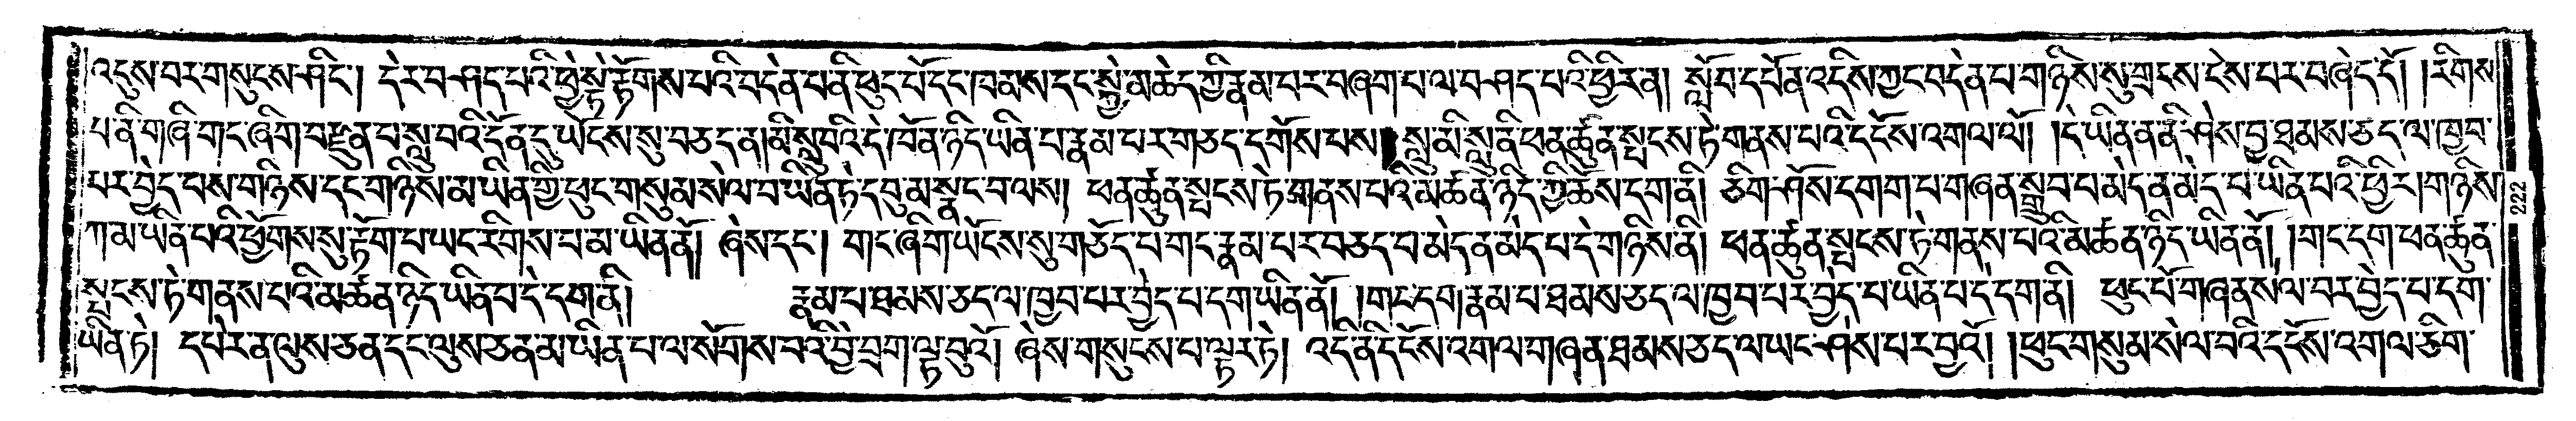འདུས་པར་གསུངས་ཤིང་། དེར་བཤད་པའི་ཕྱེ་སྟེ་རྟོགས་པའི་བདེན་པ་ནི་ཕུང་པོ་དང་ཁམས་དང་སྐྱེ་མཆེད་ཀྱི་རྣམ་པར་བཞག་པ་ལ་བཤད་པའི་ཕྱིར་ན། སློབ་དཔོན་འདིས་ཀྱང་བདེན་པ་གཉིས་སུ་གྲངས་ངེས་པར་བཞེད་དོ། །རིགས་
པ་ནི་གཞི་གང་ཞིག་བརྫུན་པ་སླུ་བའི་དོན་དུ་ཡོངས་སུ་བཅད་ན། མི་སླུ་བའི་དེ་ཁོ་ན་ཉིད་ཡིན་པ་རྣམ་པར་གཅད་དགོས་པས། སླུ་མི་སླུ་ནི་ཕན་ཚུན་སྤངས་ཏེ་གནས་པའི་དངོས་འགལ་ལོ། །དེ་ཡིན་ན་ནི་ཤེས་བྱ་ཐམས་ཅད་ལ་ཁྱབ་
པར་བྱེད་པས་གཉིས་དང་གཉིས་མ་ཡིན་གྱི་ཕུང་གསུམ་སེལ་བ་ཡིན་ཏེ་དབུ་མ་སྣང་བ་ལས། ཕན་ཚུན་སྤངས་ཏེ་གནས་པའི་མཚན་ཉིད་ཀྱི་ཆོས་དག་ནི། ཅིག་ཤེས་དགག་པ་གཞན་སྒྲུབ་པ་མེད་ན་མེད་པ་ཡིན་པའི་ཕྱིར། གཉིས་
ཀ་མ་ཡིན་པའི་ཕྱོགས་སུ་རྟོག་པ་ཡང་རིགས་པ་མ་ཡིན་ནོ། ཞེས་དང་། གང་ཞིག་ཡོངས་སུ་གཅོད་པ་གང་རྣམ་པར་བཅད་པ་མེད་ན་མེད་པ་དེ་གཉིས་ནི། ཕན་ཚུན་སྤངས་ཏེ་གནས་པའི་མཚན་ཉིད་ཡིན་ནོ། །གང་དག་ཕན་ཚུན་
སྤངས་ཏེ་གནས་པའི་མཚན་ཉིད་ཡིན་པ་དེ་དག་ནི། རྣམ་པ་ཐམས་ཅད་ལ་ཁྱབ་པར་བྱེད་པ་དག་ཡིན་ནོ། །གང་དག་རྣམ་པ་ཐམས་ཅད་ལ་ཁྱབ་པར་བྱེད་པ་ཡིན་པ་དེ་དག་ནི། ཕུང་པོ་གཞན་སེལ་བར་བྱེད་པ་དག་
ཡིན་ཏེ། དཔེར་ན་ལུས་ཅན་དང་ལུས་ཅན་མ་ཡིན་པ་ལ་སོགས་པའི་བྱེ་བྲག་ལྟ་བུའོ། ཞེས་གསུངས་པ་ལྟར་ཏེ། འདི་ནི་དངོས་འགལ་གཞན་ཐམས་ཅད་ལ་ཡང་ཤེས་པར་བྱའོ། །ཕུང་གསུམ་སེལ་བའི་དངོས་འགལ་ཅིག་